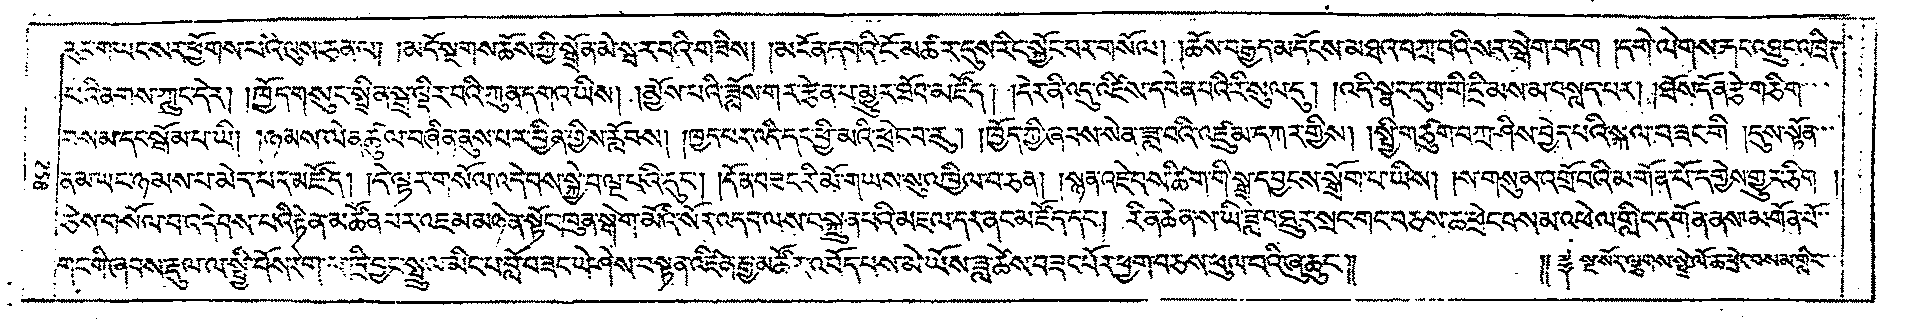རུང་གཡང་སར་ཕྱོགས་པའི་ལུས་ཅན་ལ། །མདོ་སྔགས་ཆོས་ཀྱི་སྒྲོན་མེ་སྦར་བའི་གཟིས། །མངོན་དགའི་ངོ་མཚར་དུས་རིང་སྐྱོང་བར་གསོལ། །ཆོས་བརྒྱད་མདོངས་མཐའ་བཀྲ་བའི་སར་སྒེག་བདག །དགེ་ལེགས་རྐང་འཐུང་འཁྲིཌ་
པའི་ནགས་ཀླུང་དེར། །ཁྱོད་གསུང་སྤྲིན་སྒྲ་ལྡིར་བའི་ཀུན་དགའ་ཡིས། །མྱོས་པའི་ཟློས་གར་རྩེན་པ་མྱུར་ཐོབ་མཛོད། །དེར་ནི་འདུ་འཛིས་དབེན་པའི་རི་སུལ་དུ། །འདི་སྣང་དུག་གི་དྲི་མས་མ་བསླད་པར། །ཐོས་དོན་རྩེ་གཅིག་
བསམ་དང་སྒོམ་པ་ཡི། །ཉམས་ལེན་ཚུལ་བཞིན་ནུས་པར་བྱིན་གྱིས་རློབས། །ཁྱད་པར་འདི་དང་ཕྱི་མའི་ཕྲེང་བ་རུ། །ཁྱོད་ཀྱི་ཞབས་སེན་ཟླ་བའི་འཛུམ་དཀར་གྱིས། །སྤྱི་གཙུག་བཀྲ་ཤིས་བྱེད་པའི་སྐལ་བཟང་གི །དུས་སྟོན་
ནམ་ཡང་ཉམས་པ་མེད་པར་མཛོད། །དེ་ལྟར་གསོལ་འདེབས་སྐྱེ་བ་ལྔ་པའི་དུང་། །དོན་བཟང་རི་མོ་གཡས་སུ་འཁྱིལ་བ་ཅན། །སྙན་འཇེབས་ཚིག་གི་སྒྲ་དབྱངས་སྒྲོག་པ་ཡིས། །ས་གསུམ་འགྲོ་བའི་མགོན་པོ་དགྱེས་གྱུར་ཅིག །
ཅེས་གསོལ་བ་འདེབས་པའི་རྟེན་མཚོན་པར་འཇམ་མཉེན་སྟོང་ཁུན་སྒེག་མོའི་སོར་འདབ་ལས་བསྐྲུན་པའི་མཇལ་དར་ནང་མཛོད་དང་། རིན་ཆེན་ས་ཡི་ཟླ་བ་ཐུར་སྲང་གང་བཅས་ཆ་ཕྲེང་བསམ་འཕེལ་གླིང་དགོན་ནས་༧་མགོན་པོ་
གང་གི་ཞབས་རྡུལ་ལ་སྤྱི་བོས་རེག་པ་ཁྲི་བྱང་སྤྲུལ་མིང་པ་བློ་བཟང་ཡེ་ཤེས་བསྟན་འཛིན་རྒྱ་མཚོར་འབོད་པས་མེ་ཡོས་ཟླ་ཚེས་བཟང་པོར་ཕྱག་བཅས་ཕུལ་བའི་ཞུ་ཆུང།། །། ༈ སྔ་སོར་ལྕགས་སྤྲེ་ལོ་ཆ་ཕྲེང་བསམ་གླིང་